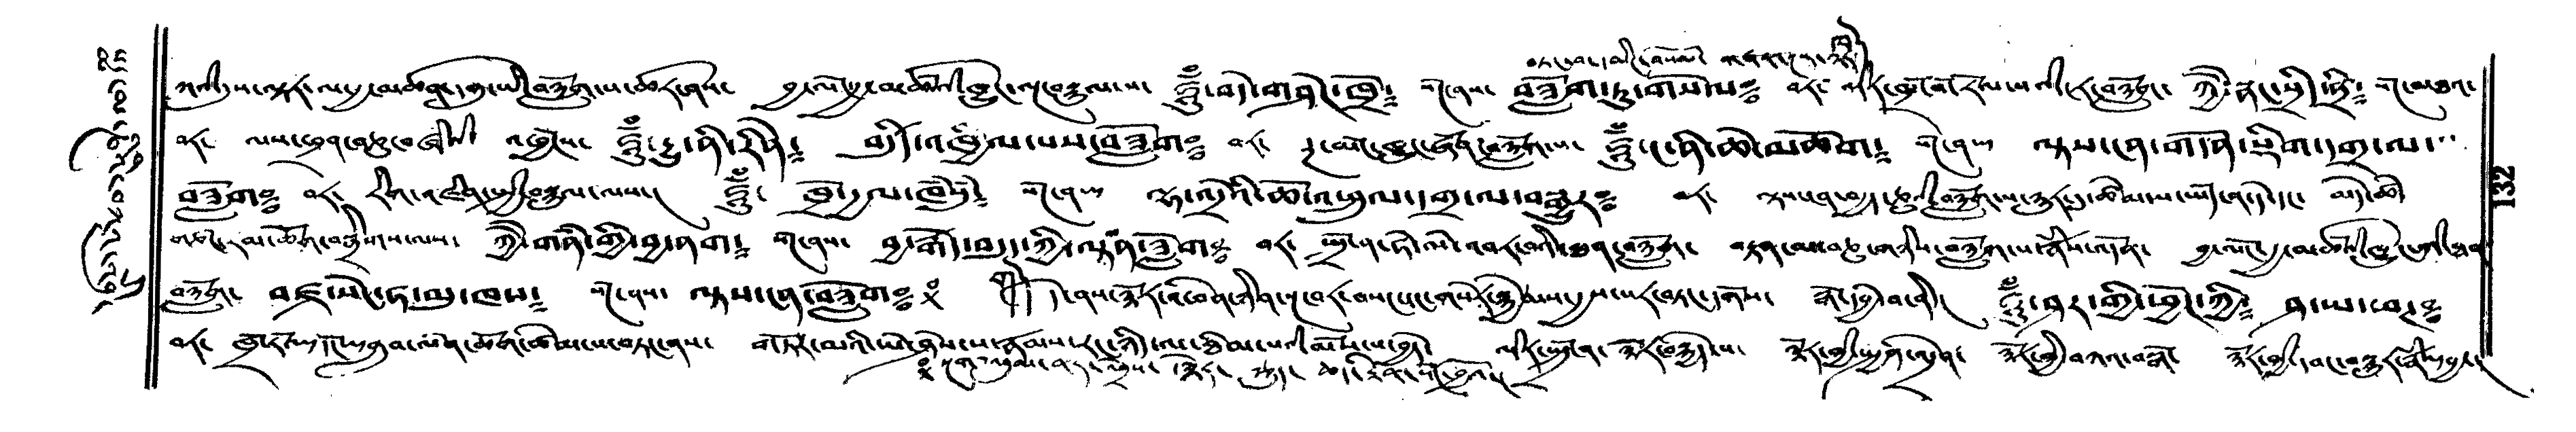ཀའི་དུས་ལྟར་ལ་རྒྱལ་མཚན་དགུ་ཡི་ཟློག་པ་ཚར་ནས། བྱ་ལོང་རྒྱ་མཚོའི་ཁྱུང་ལྔ་སྐུལ་པ། ཧཱུྃ༔བདེ་གཤེགས་ཁྲོ༴ སོགས་ནས། བཟློག་ཏུ་གསོལ༔ བར། འདིར་ཁྲོ་བོ་རོལ་པའི་ངར་ཟློག ཀྱཻཿསྣང་སྲིད་ནྲི༴ སོགས་མཐའ་
བར། ལས་ཕྲན་བཅུ་བཞིའི། འཁྱོངས། ཧཱུྃ༔ རྒྱུ་ནི་རིན་ཆེན༴ བདུད་རྩི་འཁྱིལ་པས་བཟློག༔ བར། རྔ་མོང་ཁྱུང་ཞོན་ཟློག་པ། ཧཱུྃ༔ ང་ནི་ཆེ་མཆོག༴ སོགས་ནས། ལྟས་ངན་གདོན་སྡིག་དགྲ་ལ་
བཟློག༔ བར། རིག་འཛིན་སྤྱི་སྐུལ་ལས། ཧཱུྃ༔ ཁྲོ་རྒྱལ་ཁམས་གསུམ༴ སོགས་ནས། ལྷ་འདྲེའི་ཆོ་འཕྲུལ་དགྲ་ལ་སྒྱུར༔ བར། ལྟས་ངན་བརྒྱད་ཅུའི་ཟློག་པ་ཟུར་དུ་ཚན་པ་ཡོད་ན་དེ་དང་། མེད་ཚེ་
གཙང་རམས་ཆོག་སྒྲིགས་ལས། ཀྱཻ༔ གནམ་གྱི་བྱ་ནག༴ སོགས་ནས། བྱ་རྒོད་བདུད་ཀྱི་ལྟས་ངན་བཟློག༔ བར། སྤྲོ་ན་ཧེ་ལེ་འབར་བའི་ཐན་ཟློག བརྟན་མ་བཅུ་གཉིས་ཀྱི་ཟློག་པ་རྣམས་འདོན། བྱ་ལོང་རྒྱ་མཚོའི་ཁྱུང་གི་འཐབ་
ཟློག བཛྲ་སེང་ཧ་མུ་ཁས༴ སོགས་ནས། ལྟས་ངན་བཟློག༔ སྔགས་འབུམ་ནར་འགྲེས། དཀར་གཏོར་ཚུད། ཆད་བརྟན་སོགས་བྱའོ།། དེ་ནས་ཟོར་འཕེན་ཉིན་སྔ་བར་བསང་དང་གསེར་སྐྱེམས་རྒྱས་པར་གཏོང་དགོས། སྒོ་དབྱེ་བ་ནི། ཧཱུྃ༔ ཤར་གྱི་ཕྱོགས་ཀྱི༴ ཤ་ཡ་ཕཊ༔ 
བར། ཁྲོ་རོལ་དངོས་གྲུབ་ལེན་ཆོག་ཚན་པ་བཏང་ནས། གཏོར་མའི་ཡེ་ཤེས་པ་རྣམས་རང་ཉིད་ལ་ཐིམ་པའི་མོས་པ་བྱེད། འདིར་སྤྲོ་ན་ཟོར་སྐྱེད་པ། ཟོར་གྱི་སྤྱན་འདྲེན། ཟོར་གྱི་བཀའ་བསྒོ། ཟོར་གྱི་དབང་བསྐུར་རྣམས་བྱ།